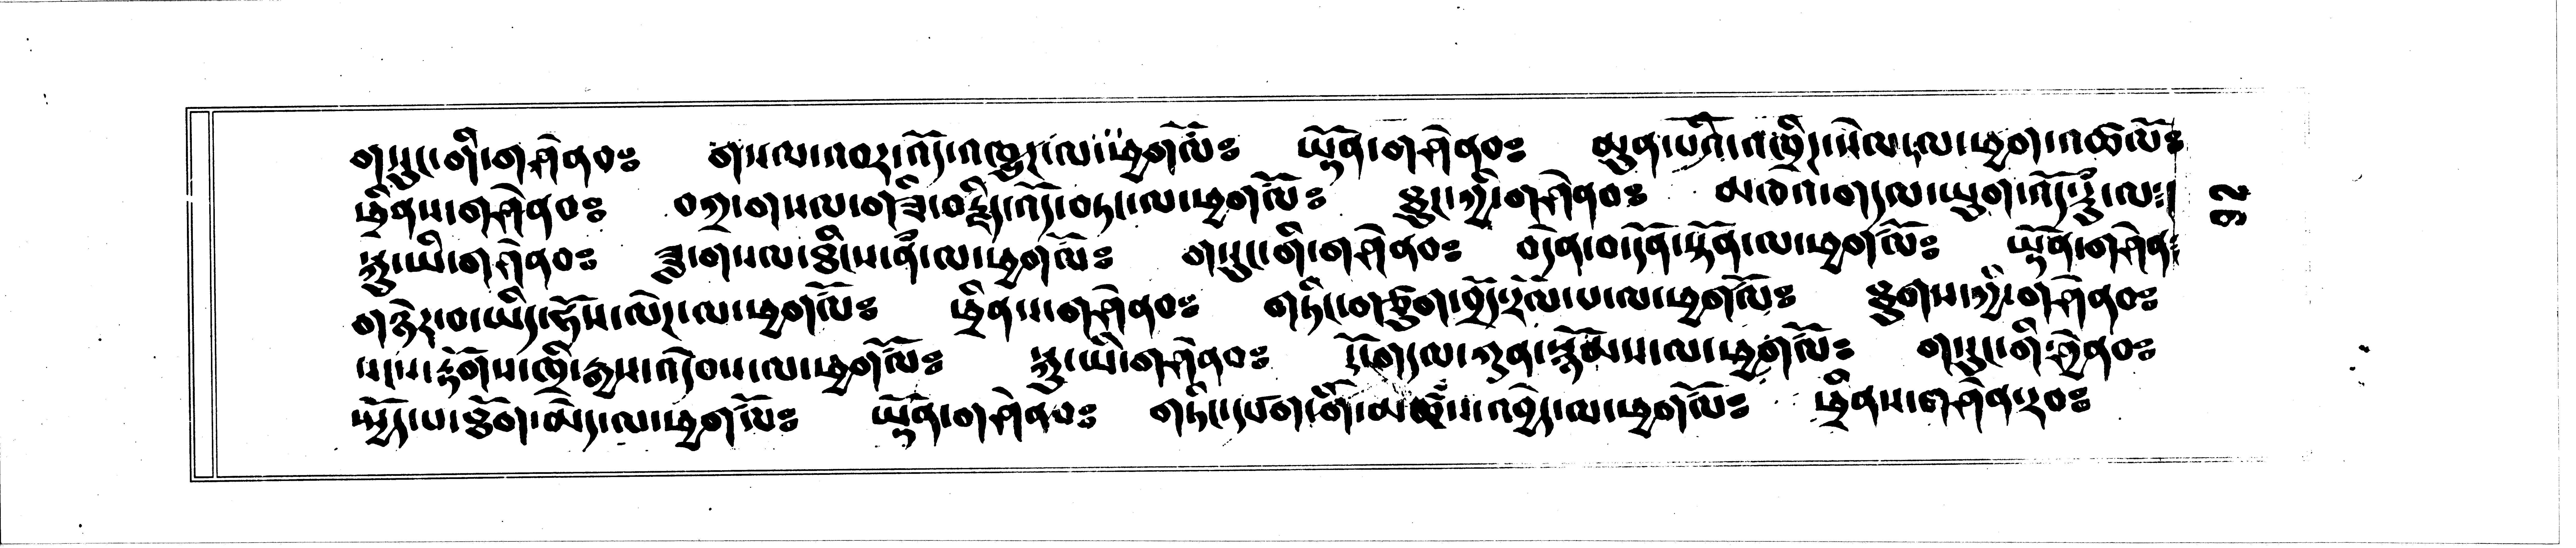གསུང་གི་གཤེན་རབ་ལཿ གསལ་འབར་འོད་འཁྱུགས་ལ་ཕྱག་འཚལ་ལོཿ ཡོན་ཏན་གྱི་གཤེན་རབཿ མུན་པའི་ཁྲིག་སེལ་ལ་ཕྱག་འཚལ་ལོཿ 
ཕྲིན་ལས་ཀྱི་གཤེན་རབཿ བཀྲ་གསལ་གཟི་བརྗིད་འོད་བཏང་ལ་ཕྱག་འཚལ་ལོཿ ཐུགས་ཀྱི་གཤེན་རབཿ མཁའ་བདལ་ཡུག་འོིད་རུམ་ལ་ཕྱག་འཚལ་ལོཿ 
སྐུ་ཡི་གཤེན་རབཿ ཟླ་གསལ་ཐིག་ནམ་ལ་ཕྱག་འཚལ་ལོཿ གསུང་གི་གཤེན་རབཿ བདེན་བ་དོན་སྟོན་ལ་ཕྱག་འཚལ་ལོཿ ཡོན་ཏན་གྱི་གཤེན་རབཿ 
གཉེར་བ་ཡིད་ཧོས་ལེགས་ལ་ཕྱག་འཚལ་ལོཿ ཕྲིན་ལས་ཀྱི་གཤེན་རབཿ གཏིང་གཙུག་བྲོད་རོལ་པ་ལ་ཕྱག་འཚལ་ལོཿ ཐུགས་ཀྱི་གཤེན་རབཿ 
སང་རྟོགས་ཁྲི་རྒྱས་འདེབས་ལ་ཕྱག་འཚལ་ལོཿ སྐུ་ཡི་གཤེན་རབཿ དྲོད་བདལ་ཀུན་སྙོམས་ལ་ཕྱག་འཚལ་ལོཿ གསུང་གི་གཤེན་རབ་ལཿ 
སྤྱོད་པ་ཐོགས་མེད་ལ་ཕྱག་འཚལ་ལོཿ ཡོན་ཏན་གྱི་གཤེན་རབཿ གཏིང་དཔག་གི་མཚམས་འབྱེད་ལ་ཕྱག་འཚལ་ལོཿ ཕྲིན་ལས་ཀྱི་གཤེན་རབཿ